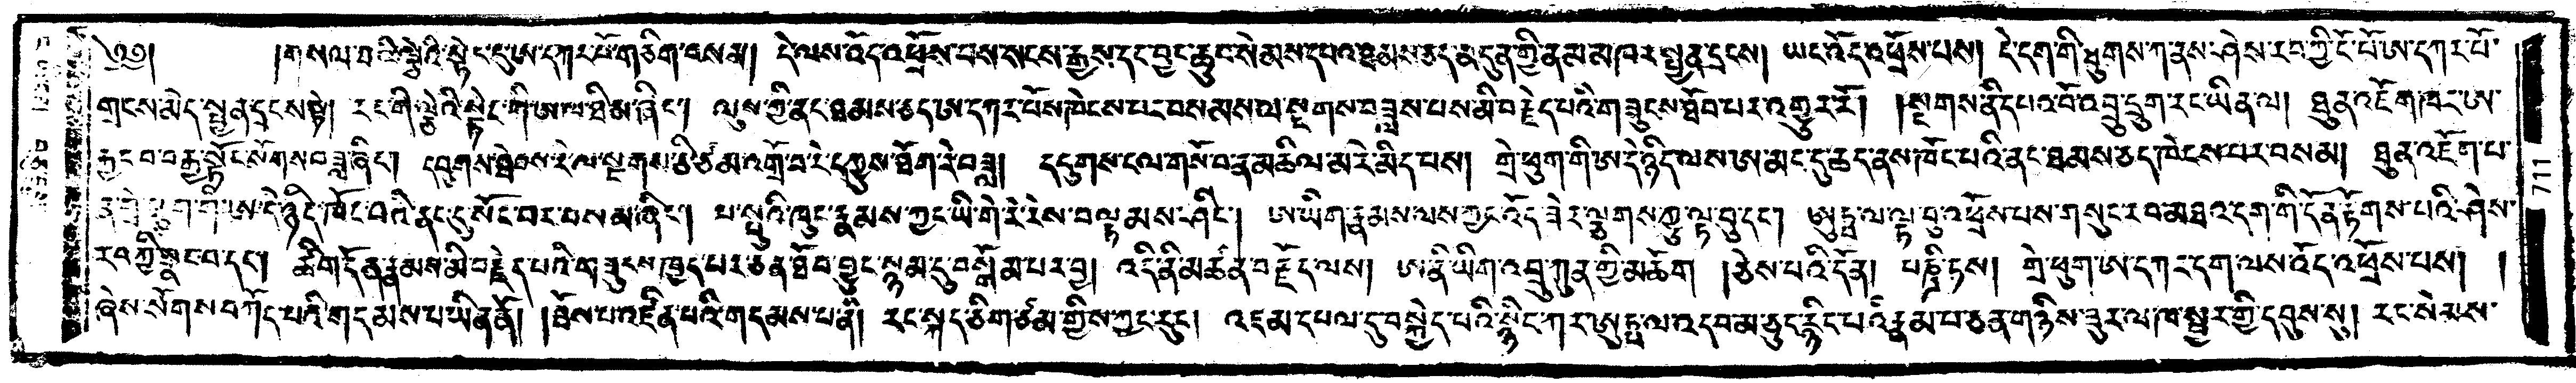༄༅། །གསལ་བའི་ལྕེའི་སྟེང་དུ་ཨ་དཀར་པོ་གཅིག་བསམ། དེ་ལས་འོད་འཕྲོས་པས་སངས་རྒྱས་དང་བྱང་ཆུབ་སེམས་དཔའ་ཐམས་ཅད་མདུན་གྱི་ནམ་མཁར་སྤྱན་དྲངས། ཡང་འོད་འཕྲོས་པས། དེ་དག་གི་ཐུགས་ཀ་ནས་ཤེས་རབ་ཀྱི་ངོ་པོ་ཨ་དཀར་པོ་
གྲངས་མེད་སྤྱན་དྲངས་ཏེ། རང་གི་ལྕེའི་སྟེང་གི་ཨ་ལ་ཐིམ་ཞིང་། ལུས་ཀྱི་ནང་ཐམས་ཅད་ཨ་དཀར་པོས་ཁེངས་པར་བསམས་ལ་སྔགས་བཟླས་པས་མི་བརྗེད་པའི་གཟུངས་ཐོབ་པར་འགྱུར་རོ། །སྔགས་ནི་དཔའ་བོ་འབྲུ་དྲུག་རང་ཡིན་ལ། ཐུན་འཇོག་ཁར་ཨ་
རྐྱང་བ་བརྒྱ་སྟོང་སོགས་བཟླ་ཞིང་། དབུགས་ཐེབས་རེ་ལ་སྔགས་ཅི་ཙམ་འགྲོ་བ་རེ་དཀྱུས་ཐོག་རེ་བཟླ། དབུགས་ངལ་གསོ་བ་ན་མཆིལ་མ་རེ་མིད་པས། གྲེ་ཕུག་གི་ཨ་དེ་ཉིད་ལས་ཨ་མང་དུ་ཆད་ནས་ཁོང་པའི་ནང་ཐམས་ཅད་ཁེངས་པར་བསམ། ཐུན་འཇོག་པ་
ན་གྲེ་ཕུག་གི་ཨ་དེ་ཉིད་ཁོང་བའི་ནང་དུ་སོང་པར་བསམ་ཞིང་། པ་སྤུའི་ཁུང་རྣམས་ཀྱང་ཡི་གེ་རེ་རེས་བལྟམས་ཤིང་། ཨ་ཡིག་རྣམས་ལས་ཀྱང་འོད་ཟེར་ལྕགས་ཀྱུ་ལྟ་བུ་དང་། ཨུཏྤལ་ལྟ་བུ་འཕྲོས་པས་གསུང་རབ་མཐའ་དག་གི་དོན་རྟོགས་པའི་ཤེས་
རབ་ཀྱི་སྣང་བ་དང་། ཚིག་དོན་རྣམས་མི་བརྗེད་པའི་གཟུངས་ཁྱད་པར་ཅན་ཐོབ་བྱུང་སྙམ་དུ་བསྒོམ་པར་བྱ། འདི་ནི་མཚན་བརྗོད་ལས། ཨ་ནི་ཡིག་འབྲུ་ཀུན་གྱི་མཆོག །ཅེས་པའི་དོན། པཎྜི་ཏས། གྲེ་ཕུག་ཨ་དཀར་དག་ལས་འོད་འཕྲོས་པས། །
ཞེས་སོགས་བཀོད་པའི་གདམས་པ་ཡིན་ནོ། །ཐོས་པ་འཛིན་པའི་གདམས་པ་ནི། རང་སྐད་ཅིག་ཙམ་གྱིས་ཀྱང་རུང་། འཇམ་དཔལ་དུ་བསྐྱེད་པའི་སྙིང་ཀར་ཨུཏྤ་ལ་འདབ་མ་ཅུང་རྙིང་པའི་རྣམ་པ་ཅན་གཉིས་ཟུར་ལ་ཁ་སྦྱར་གྱི་དབུས་སུ། །རང་སེམས་